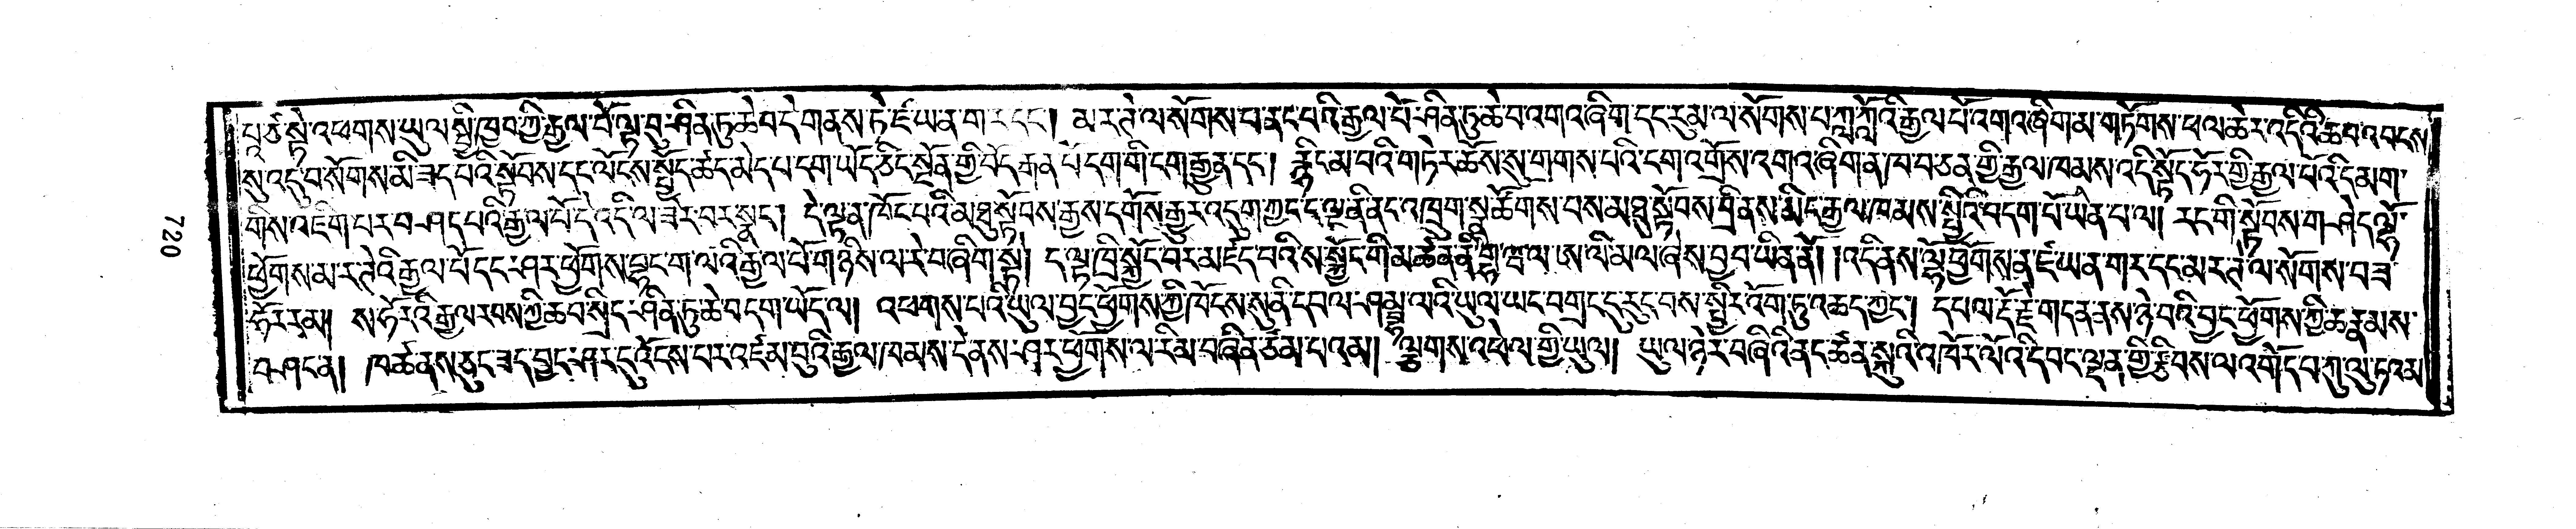པཱ་ཙ་སྟེ་འཕགས་ཡུལ་སྤྱི་ཁྱབ་ཀྱི་རྒྱལ་བོ་ལྟ་བུ་ཤིན་ཏུ་ཆེ་བ་དེ་གནས་ཏེ་ཛ་ཡ་ན་ག་ར་དང་། མར་ཊེ་ལ་སོགས་པ་ནང་བའི་རྒྱལ་པོ་ཤིན་ཏུ་ཆེ་བ་འགའ་ཞིག་དང་རུམ་ལ་སོགས་པ་ཀླ་ཀློའི་རྒྱལ་པོ་འགའ་ཞིག་མ་གོགས་ཕལ་ཆེར་འདིའི་ཆབ་འབངས་
སུ་འདུ་བ་སོགས་མི་ཟད་པའི་སྟོབས་དང་ལོངས་སྤྱོད་ཚད་མེད་པ་དག་ཡོད་ཅིང་སྔོན་གྱི་བོད་རྒན་པོ་དག་གི་ངག་རྒྱུན་དང་། རྙིང་མ་བའི་གཏེར་ཆོས་སུ་གྲགས་པའི་ངག་འགྲོས་འགའ་ཞིག་ན་ཁ་བ་ཅན་གྱི་རྒྱལ་མཁམས་འདི་སྟོང་ཧོར་གྱི་རྒྱལ་པོའི་དམག་
གིས་འཇིག་པར་བཤད་པའི་རྒྱལ་པོ་དེ་འདི་ལ་ཟེར་བར་སྣང་། དེ་ལྟ་ན་ཁོང་པའི་མཐུ་སྟོབས་རྒྱས་དགོས་རྒྱུར་འདུག་ཀྱང་ད་ལྔ་ནི་ནང་འཁྲུག་སྣ་ཚོགས་བས་མཐུ་སྟོབས་བྲི་ནས་མིང་རྒྱལ་ཁམས་སྤྱིའི་བདག་པོ་ཡིན་པ་ལ། རང་གི་སྟོབས་གཤེད་ལྷོ་
ཕྱོགས་མ་ར་ཊེའི་རྒྱལ་པོ་དང་ཤར་ཕྱོགས་བྷང་ག་ལའི་རྒྱལ་པོ་གཉིས་ལ་རེ་བ་ཞིག་སྟེ། ད་ལྟ་ཁྲི་སྐྱོང་བར་མཛད་པའི་ས་སྐྱོང་གི་མཚན་ནི་གྷ་ཝ་ལ་ཨ་ལི་མལ་ཞེས་བྱ་བ་ཡིན་ནོ། །འདི་ནས་ལྷོ་ཕྱོགས་ན་ཛ་ཡ་ན་གར་དང་མར་ཊེ་ལ་སོགས་བཟ་
ཧོར་རམ། ས་ཧོརའི་རྒྱལ་རབས་ཀྱི་ཆབ་སྲིད་ཤིན་ཏུ་ཆེ་བདག་ཡོད་ལ། འཕགས་པའི་ཡུལ་བྱང་ཕྱོགས་ཀྱི་ཁོངས་སུ་ནི་དཔལ་ཤམྦྷ་ལའི་ཡུལ་ཡང་བགྲང་དུ་རུང་བས་སྤྱིར་འོག་ཏུ་འཆད་ཀྱང་། དཔལ་རྡོ་རྗེ་གདན་ནས་ཉེ་བའི་བྱང་ཕྱོགས་ཀྱི་ཆ་རྣམས་
བཤད་ན། ཁ་ཚ་ནས་ཅུང་ཟད་བྱང་ཤར་དུ་འོངས་པར་འཛམ་བུའི་རྒྱལ་ཁམས་དེ་ནས་ཤར་ཕྱོགས་ལ་རིམ་བཞིན་ཙམ་པའམ། ལྕགས་འཕེལ་གྱི་ཡུལ། ཡུལ་ཉེར་བཞིའི་ནང་ཚན་སྐུའི་འཁོར་ལོའི་དབང་ལྡན་གྱི་རྩིབས་ལ་འགོད་བ་ཀུ་ལུ་ཏའ་